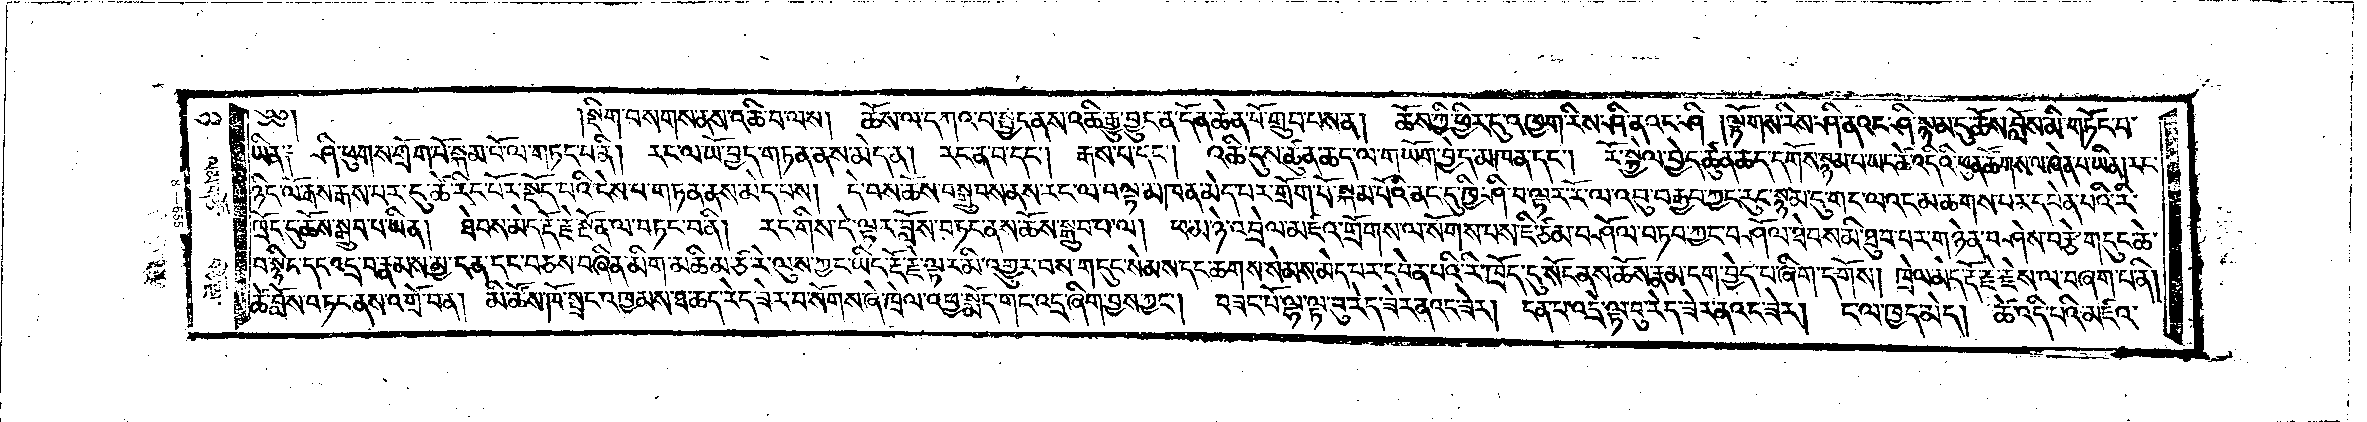༄༅། །སྡིག་བསགས་ནས་འཆི་བ་ལས། ཆོས་ལ་དཀའ་བ་སྤྱད་ནས་འཆི་རྒྱུ་བྱུང་ན་དོན་ཆེན་པོ་གྲུབ་པས་ན། ཆོས་ཀྱི་ཕྱིར་དུ་འཁྱག་རིས་ཤི་ནའང་ཤི་།ལྟོགས་རིས་ཤི་ནའང་ཤི་སྙམ་དུ་ཆོས་བློས་མི་གཏོང་བ་
ཡིན༑ ཤི་ཕུགས་གྲོག་པོ་སྐམ་པོ་ལ་གཏད་པ་ནི། རང་ལ་ཡོ་བྱད་གཏན་ནས་མེད་ན། རང་ན་བ་དང་། རྒས་པ་དང་། འཆི་དུས་ཚུན་ཆད་ལ་ག་ཡོག་བྱེད་མཁན་དང་། རོ་སྐྱེལ་བྱེད་ཚུན་ཆད་དགོས་སྙམ་པ་ཡང་ཚེ་འདིའི་ཕུན་ཚོགས་ལ་ཞེན་པ་ཡིན། རང་
ཉིད་ལོ་རྒས་རྒས་བར་དུ་ཚེ་རིང་པོར་སྡོད་པའི་ངེས་པ་གཏན་ནས་མེད་པས། དེ་བས་ཆོས་བསྒྲུབས་ནས་རང་ལ་བལྟ་མཁན་མེད་པར་གྲོག་པོ་སྐམ་པོའི་ནང་དུ་ཁྱི་ཤི་བ་ལྟར་རོ་ལ་འབུ་བརྒྱབ་ཀྱང་རུང་སྙམ་དུ་གང་ལའང་མ་ཆགས་པར་དབེན་པའི་རི་
ཁྲོད་དུ་ཆོས་སྒྲུབ་པ་ཡིན། ཐེབས་མེད་རྡོ་རྗེ་སྔོན་ལ་བཏང་བ་ནི། རང་གིས་དེ་ལྟར་བློས་བཏང་ནས་ཆོས་སྒྲུབ་པ་ལ། ཕ་མ་ཉེ་འབྲེལ་མཛའ་གྲོགས་ལ་སོགས་པས་ཇི་ཙམ་བཤོལ་བཏབ་ཀྱང་བཤོལ་ཐེབས་མི་ཐུབ་པར་གཉེན་བཤེས་བརྩེ་གདུང་ཆེ་
བ་སྙིང་དང་འདྲ་བ་རྣམས་མྱ་ངན་དང་བཅས་བཞིན་མིག་མཆི་མ་ཙ་རེ་ལུས་ཀྱང་ཡིད་རྡོ་རྗེ་ལྟར་མི་འགྱུར་བས་གདུང་སེམས་དང་ཆགས་སེམས་མེད་པར་དབེན་པའི་རི་ཁྲོད་དུ་སོང་ནས་ཆོས་རྣམ་དག་བྱེད་པ་ཞིག་དགོས། ཁྲེལ་མེད་རྡོ་རྗེ་རྗེས་ལ་བཞག་པ་ནི།
ཚེ་བློས་བཏང་ནས་འགྲོ་བ་ན། མི་ཚོས་ཁོ་སྤྲང་འཁྱམས་ཐ་ཆད་རེད་ཟེར་བ་སོགས་ཞེ་ཁྲེལ་འཕྱ་སྨོད་གང་འདྲ་ཞིག་བྱས་ཀྱང་། བཟང་པོ་ལྷ་ལྟ་བུ་རེད་ཟེར་ནའང་ཟེར། ངན་པ་འདྲེ་ལྟ་བུ་རེད་ཟེར་ནའང་ཟེར། ང་ལ་ཁྱད་མེད། ཚེ་འདི་པའི་མཛའ་